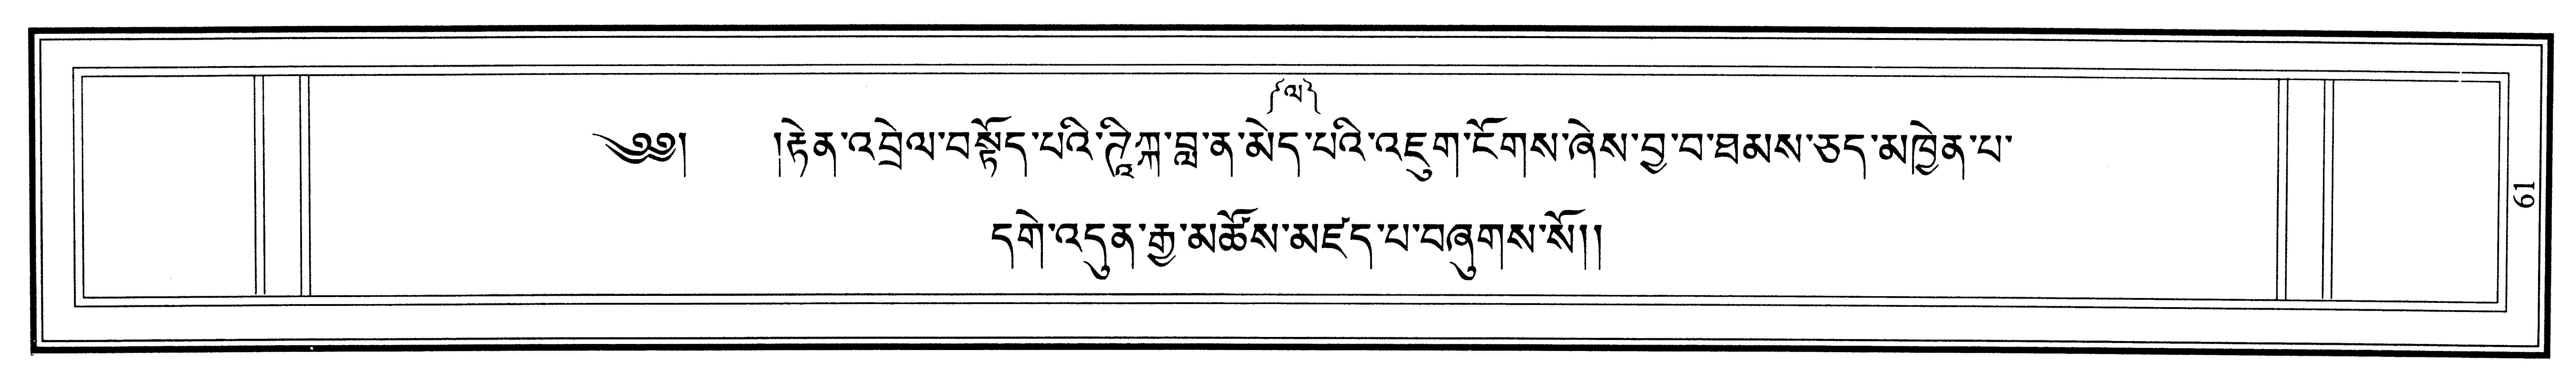༄༅། །རྟེན་འབྲེལ་བསྟོད་པའི་ཊཱིཀྐ་བླ་ན་མེད་པའི་འཇུག་ངོགས་ཞེས་བྱ་བ་ཐམས་ཅད་མཁྱེན་པ་
དགེ་འདུན་རྒྱ་མཚོས་མཛད་པ་བཞུགས་སོ།།